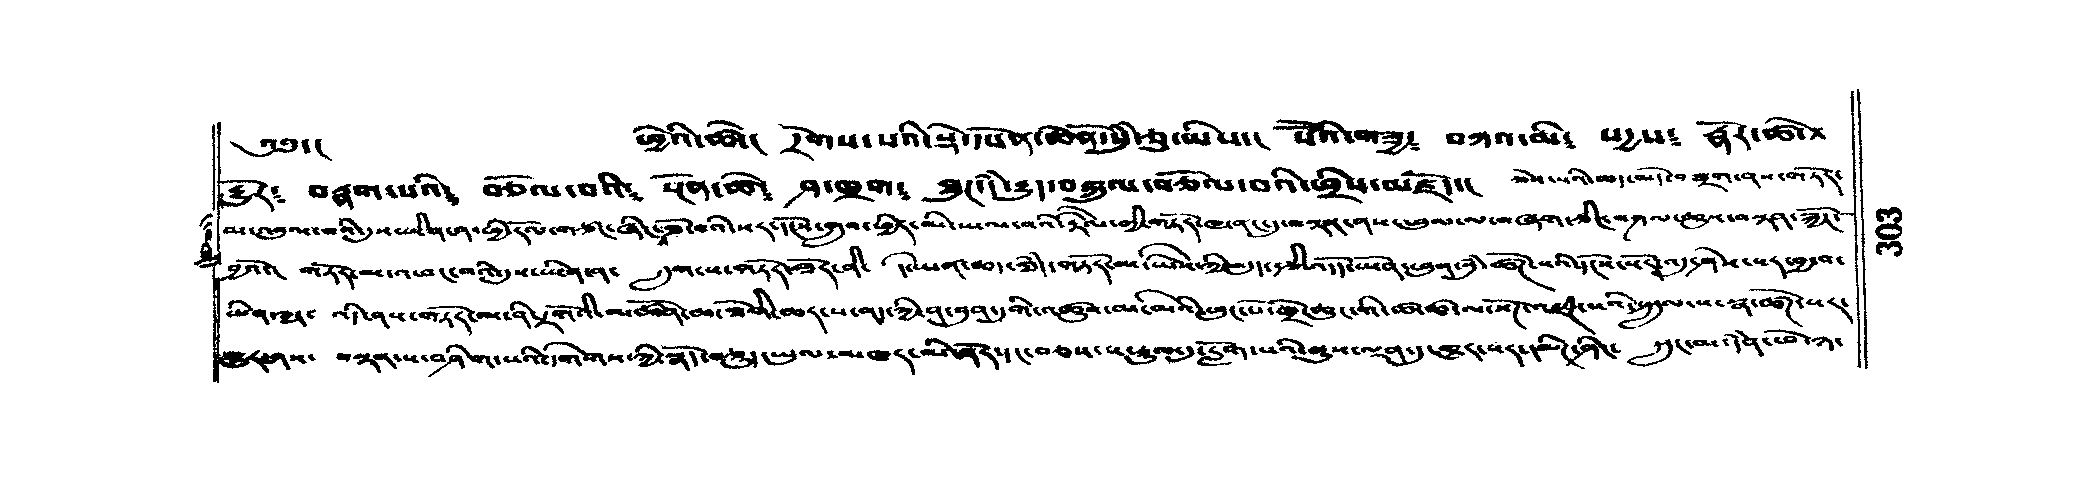ཕྱེད་ཚེ། །དྲེགས་པའི་སྡེ་དཔོན་ཆེན་པོ་སུམ་ཅུ་ཡིས། །སོསོའི་གཟུགས་༴ བཀ་ཡི་༴ སངས་རྒྱས་༴ རྣལ་འབྱོར་ཚེ་༴ 
རྒྱུ་སྦྱོར་༴ བརྣག་པའི་༴ བཅོལ་བའི་༴ སྔོན་ཚེ་༴ ཤ་ཁྲག༴ ཐུགས་དམ་རྒྱུད་བསྐུལ་བཅོལ་བའི་ཕྲིན་ལས་མཛོད།། ཅེས་པའི་ཆད་མདོ་བསྒྲག་ནས་གཏོར་
མ་འབུལ་བའི་དུས་ཡིན་ན་ཕྱི་རོལ་གཙང་ཞིང་མཐོ་བའི་སར་དངོས་གྲུབ་ཕྱིར་མི་ཡལ་བའི་རྟེན་འབྲེལ་གྱི་གཏོར་ཁ་ནང་དུ་བསྟན་ནས་ཕུལ་ལ་བཞག་ཅིང་བཤལ་ཆུས་བརྟན་སྐྱོང་
བྱའོ། གཏོར་འཕང་བའི་དུས་ཡིན་ན། དྲུག་པ་གཏོར་ཟོར་ནི། དེ་ཡན་ཆད་ཐམས་ཅད་གཏོར་མ་ཡེ་ཤེས་ཀྱི་བདུད་རྩི་འདོད་ཡོན་ཕུུན་སུམ་ཚོགས་པའི་དངོས་པོར་འདུ་ཤེས་པར་བྱ་བ་
ཡིན་ཀྱང་། འདི་ནས་གཏོར་མ་དྲག་པོའི་མཚོན་ཆ་ཐོག་གི་ཆར་པ་ནད་ཀྱི་ན་བུན་དུག་གི་འཚུབ་མ་མེའི་ཕུང་པོ་ཁྲོ་ཆུང་གི་ཚ་ཚ་ལ་སོགས་འཇིགས་པའི་སྤྲུལ་པ་སྣ་ཚོགས་པར་
གྱུར་ནས། བསྟན་པ་བཤིག་པའི་དགྲ་བགེགས་ཀྱི་སྣོད་བཅུད་ཡུལ་མཁར་མི་ནོར་དང་བཅས་པ་རྡུལ་དུ་རློག་པའི་ནུས་ལྡན་དུ་གྱུར་པར་དམིགས་ཤིང་། སྲུང་མ་དམ་ཅན་ཕོ་ཉ་